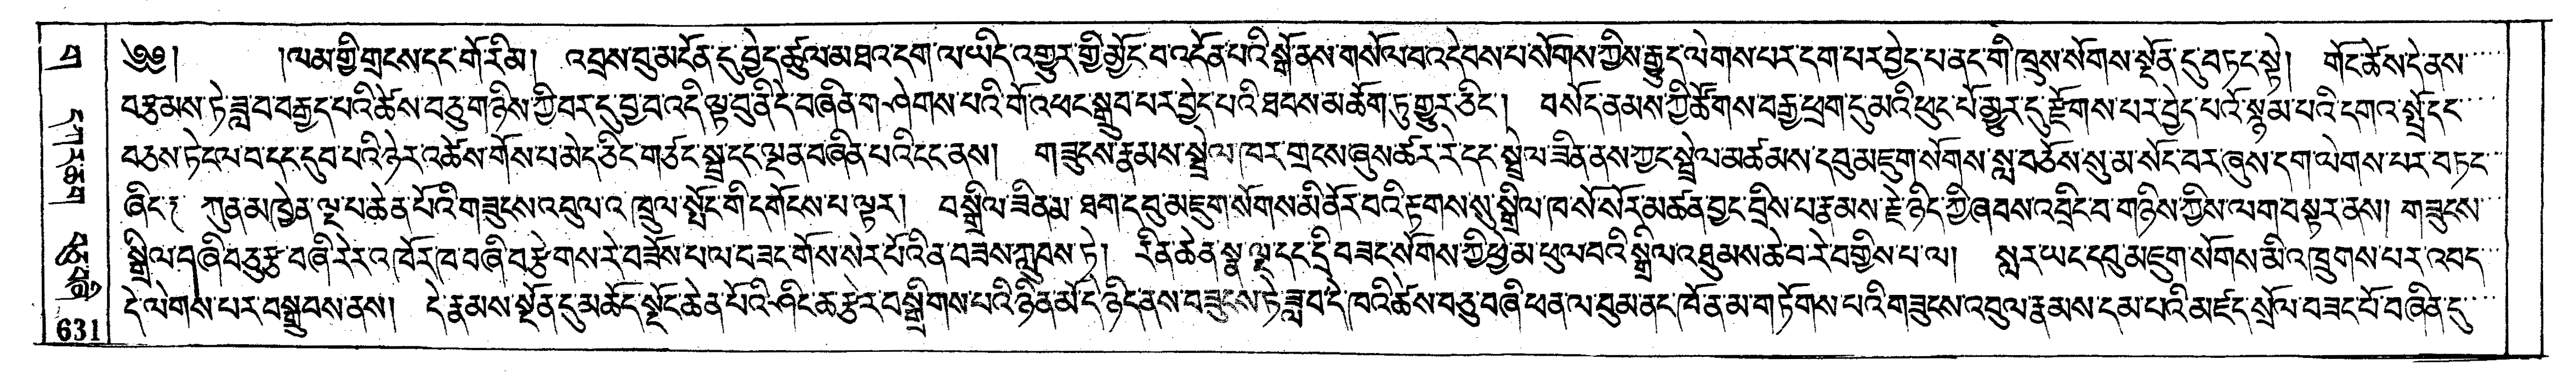༄༅། །ལམ་གྱི་གྲངས་དང་གོ་རིམ། འབྲས་བུ་མངོན་དུ་བྱེད་ཚུལ་མཐའ་དག་ལ་ཡིད་འགྱུར་གྱི་མྱོང་བ་འདོན་པའི་སྒོ་ནས་གསོལ་བ་འདེབས་པ་སོགས་ཀྱིས་རྒྱུད་ལེགས་པར་དག་པར་བྱེད་པ་ནང་གི་ཁྲུས་སོགས་སྔོན་དུ་བཏང་སྟེ། གོང་ཚེས་དེ་ནས་
བརྩམས་ཏེ་ཟླ་བ་བརྒྱད་པའི་ཚེས་བཅུ་གཉིས་ཀྱི་བར་དུ་བྱ་བ་འདི་ལྟ་བུ་ནི་དེ་བཞིན་གཤེགས་པའི་གོ་འཕང་སྒྲུབ་པར་བྱེད་པའི་ཐབས་མཆོག་ཏུ་གྱུར་ཅིང་། བསོད་ནམས་ཀྱི་ཚོགས་བརྒྱ་ཕྲག་དུ་མའི་ཕུང་པོ་མྱུར་དུ་རྫོགས་པར་བྱེད་པའོ་སྙམ་པའི་དགའ་སྤྲོ་དང་
བཅས་ཏེ་ངལ་བ་དང་དུབ་པའི་ཉེར་འཚེས་གོས་པ་མེད་ཅིང་གཙང་སྤྲ་དང་ལྡན་བཞིན་པའི་ངང་ནས། གཟུངས་རྣམས་སྤྲེལ་ཁར་གྲངས་ཞུས་ཚར་རེ་དང་སྤྲེལ་ཟིན་ནས་ཀྱང་སྤྲེལ་མཚམས་དབུ་མཇུག་སོགས་སླ་བཅོས་སུ་མ་སོང་བར་ཞུས་དག་ལེགས་པར་བཏང་
ཞིང༑ ཀུན་མཁྱེན་ལྔ་པ་ཆེན་པོའི་གཟུངས་འབུལ་འཁྲུལ་སྤོང་གི་དགོངས་པ་ལྟར། བསྒྲིལ་ཟིན་མ་ཐག་དབུ་མཇུག་སོགས་མི་ནོར་བའི་རྟགས་སུ་སྒྲིལ་ཁ་སོ་སོར་མཚན་བྱང་བྲིས་པ་རྣམས་རྗེ་ཉིད་ཀྱི་ཞབས་འབྲིང་པ་གཉིས་ཀྱིས་ལག་བསྟར་རས། གཟུངས་
སྒྲིལ་བཞི་བཅུ་རྩ་བཞི་རེར་འཁོར་ཁ་བཞི་བརྩེགས་རེ་བཟོས་པ་ལ་བཟང་གོས་སེར་པོའི་ན་བཟས་ཀླུ་བས་ཏེ། རིན་ཆེན་སྣ་ལྔ་དང་དྲི་བཟང་སོགས་ཀྱི་ཕྱེ་མ་ཕུལ་བའི་སྒྲིལ་འཐུམས་ཆེ་བ་རེ་བགྱིས་པ་ལ། སླར་ཡང་དབུ་མཇུག་སོགས་མི་འཁྲུགས་པར་འབད་
དེ་ལེགས་པར་བསྒྲུབས་ནས། དེ་རྣམས་སྔོན་དུ་མཆོད་སྡོང་ཆེན་པོའི་ཤིང་ཆ་རྩེར་བསྒྲིགས་པའི་ཉིན་མོ་དེ་ཉིད་ནས་བཟུངས་ཏེ་ཟླ་བ་དེ་ཁའི་ཚེས་བཅུ་བཞི་ཕན་ལ་བུམ་ནང་ཁོ་ན་མ་གཏོགས་པའི་གཟུངས་འབུལ་རྣམས་དམ་པའི་མཛད་སྲོལ་བཟང་པོ་བཞིན་དུ་